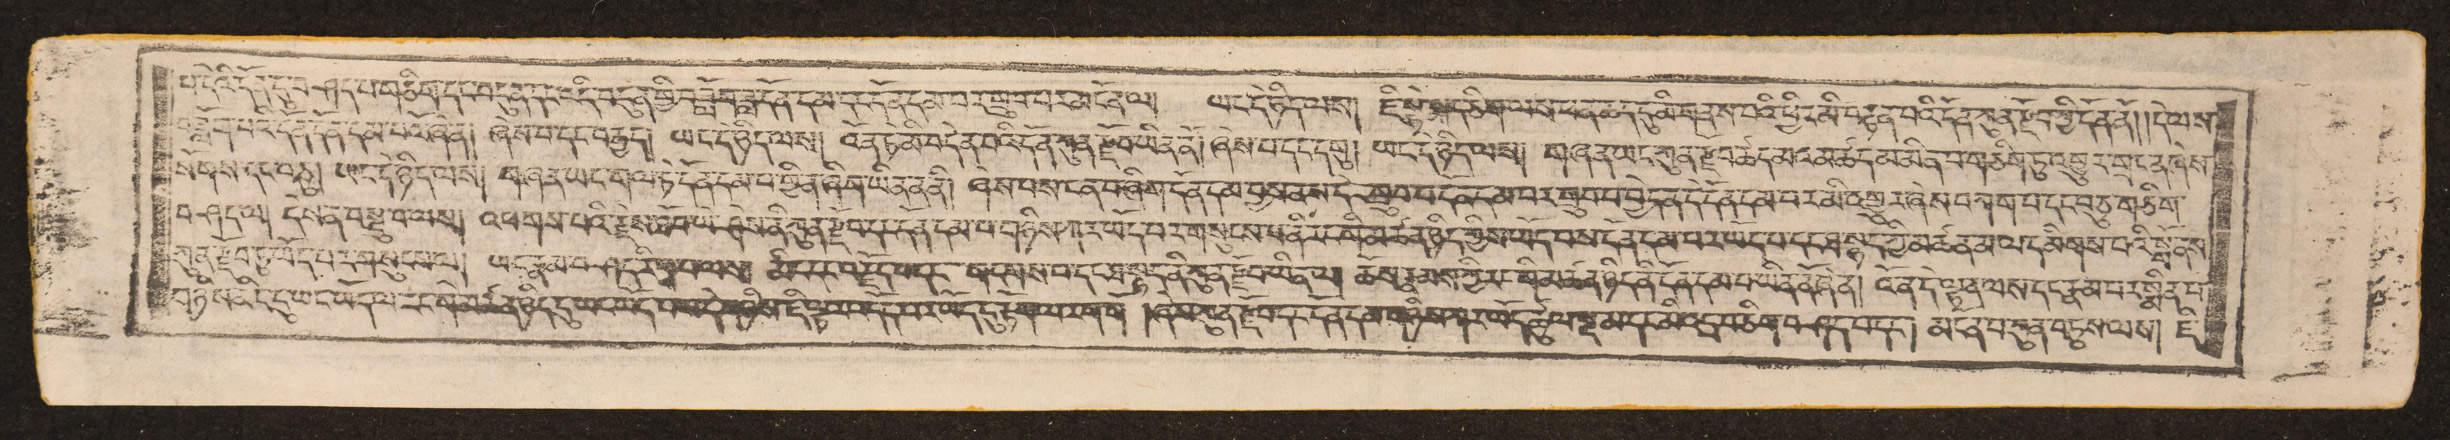པ་དེའི་དོན་དུ་བཤད་པ་གཅིག་དང་བདུན་དང་འདི་བདུན་གྱི་བཟློས་ཟླ་དོན་དམ་དང་དོན་དམ་པར་གྲུབ་པར་མངོན་ལ། ཡང་དེ་ཉིད་ལས། ཇི་སྟེ་སྐད་ཅིག་ལས་ཡན་ཆད་དུ་མི་གནས་པའི་ཕྱིར་མི་བརྟན་པའི་དོན་ཀུན་རྫོབ་ཀྱི་དོན་ནོ། །དེ་ལས་
ཟློག་པའི་དོན་དོན་དམ་པའོ་ཞེ་ན། ཞེས་པ་དང་བརྒྱད། ཡང་དེ་ཉིད་ལས། འོ་ན་ཏེ་མི་བདེན་པའི་དོན་ཀུན་རྫོབ་ཡིན་ནོ། ཞེས་པ་དང་དགུ། ཡང་དེ་ཉིད་ལས། གཞན་ཡང་ཀུན་རྫོབ་ཚད་མའམ་ཚད་མ་མིན་པ་གཅིག་ཏུ་འགྱུར་གྲང་ན་ཞེས་
སོགས་དང་བཅུ། ཡང་དེ་ཉིད་ལས། གཞན་ཡང་གལ་ཏེ་དོན་དམ་བགྱི་ན་ཞིག་ཡིན་ན་ནི། ཞེས་པས་ངན་པ་ཞིག་དོན་དམ་བྱས་ནས་དེར་གྲུབ་པ་དོན་དམ་པར་གྲུབ་པ་བྱེད་ན་དེ་དོན་དམ་པར་མི་འགྱུར་ཞེས་བཀག་པ་དང་བཅུ་གཅིག་
བཤད་ལ། དེས་ན་བསྡུ་བ་ལས། འཕགས་པའི་རྗེས་ཐོབ་ཡེ་ཤེས་ནི་ཀུན་རྫོབ་དང་དོན་དམ་པ་གཉིས་ཀར་ཡོད་པར་གསུངས་པ་ནི་རང་གི་མཚན་ཉིད་ཀྱིས་ཡོད་པས་དོན་དམ་པར་ཡོད་པ་དང་ཐ་སྙད་ཀྱི་མཚན་མ་ལ་དམིགས་པའི་སྒོ་ནས་
ཀུན་རྫོབ་ཏུ་ཡོད་པར་གསུངས་ལ། ཡང་རྣམ་བཤད་རིགས་པ་ལས། མིང་དང་བརྗོད་པ་དང་། གདགས་པ་དང་ཐ་སྙད་ནི་ཀུན་རྫོབ་ཡིན་ལ། ཆོས་རྣམས་ཀྱི་རང་གི་མཚན་ཉིད་ནི་དོན་དམ་པ་ཡིན་ནོ་ཞེ་ན། འོ་ན་དེ་ལྟ་ན་ལས་དང་རྣམ་པར་སྒོ་ནས་
གཉིས་མིང་དུ་ཡང་ཡོད་ལ་དང་གི་མཚན་ཉིད་དུ་ཡང་ཡོད་པས་དེ་གཉིས་ཇི་ལྟར་འདོད་པར་ཡོད་དུ་རྟོག་ལ་རག་གོ །ཞེས་ཀུན་རྫོབ་དང་དོན་དམ་གཉིས་ཀར་ཡོད་ཚུལ་སྔ་མ་དང་མི་འདྲ་བའི་།བཤད་པ་དང་། མངོན་པ་ཀུན་བཏུས་ལས། ཇི་